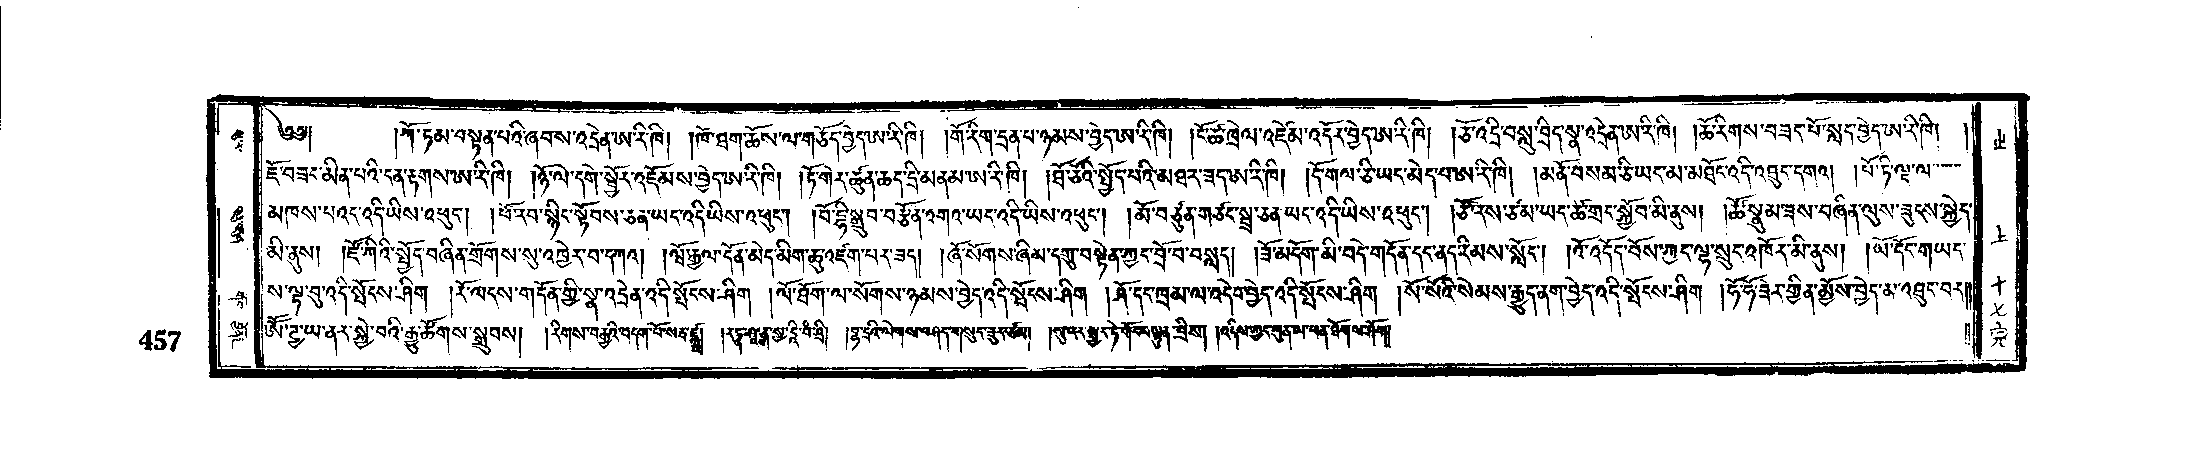༄༅། །ཀོ་ཏམ་བསྟན་པའི་ཞབས་འདྲེན་ཨ་རི་ཁི། །ཁོ་ཐག་ཆོས་ལ་གཅོད་བྱེད་ཨ་རི་ཁི། །གོ་རིག་དྲན་པ་ཉམས་བྱེད་ཨ་རི་ཁི། །ངོ་ཚ་ཁྲེལ་འཛེམ་འདོར་བྱེད་ཨ་རི་ཁི། །ཅོ་འདྲི་བསླུ་བྲིད་སྣ་འདྲེན་ཨ་རི་ཁི། །ཆོ་རིགས་བཟང་པོ་སླད་བྱེད་ཨ་རི་ཁི། །
ཇོ་བཟང་མིན་པའི་ངན་རྟགས་ཨ་རི་ཁི། །ཉོ་ལེ་དགེ་སྦྱོར་འཇོམས་བྱེད་ཨ་རི་ཁི། །ཏོ་གེར་ཚུན་ཆད་དྲི་མནམ་ཨ་རི་ཁི། །ཐོ་ཅོའི་སྤྱོད་པའི་མཐར་ཟད་ཨ་རི་ཁི། །དོ་གལ་ཅི་ཡང་མེད་པ་ཨ་རི་ཁི། །མནོ་བསམ་ཅི་ཡང་མ་མཐོང་འདི་འཐུང་དགའ། །པོ་ཏི་ལྔ་ལ་
མཁས་པའང་འདི་ཡིས་འཕུང་། །ཕོ་རབ་སྙིང་སྟོབས་ཅན་ཡང་འདི་ཡིས་འཕུང་། །བོ་དྷི་སྒྲུབ་བརྩོན་འགའ་ཡང་འདི་ཡིས་འཕུང་། །མོ་བཙུན་གཙང་སྦྲ་ཅན་ཡང་འདི་ཡིས་འཕུང་། །ཙོ་རས་ཙམ་ཡང་ཚ་གྲང་སྐྱོབ་མི་ནུས། །ཚོ་སྣུམ་ཟས་བཞིན་ལུས་ཟུངས་སྐྱེད་
མི་ནུས། །ཛོ་ཀིའི་སྤྱོད་བཞིན་གྲོགས་སུ་འཁྱེར་བ་དཀའ། །ཝོ་རྒྱལ་དོན་མེད་མིག་ཆུ་འཛག་པར་ཟད། །ཞོ་སོགས་ཞིམ་དགུ་བསྟེན་ཀྱང་བྲོ་བ་བསླད། །ཟོ་མདོག་མི་བདེ་གདོན་དང་ནད་རིམས་སློང་། །འོ་འདོད་བོས་ཀྱང་ལྷ་སྲུང་འཁོར་མི་ནུས། །ཡོ་དོང་གཡང་
ས་ལྟ་བུ་འདི་སྤོངས་ཤིག །རོ་ལངས་གདོན་གྱི་སྣ་འདྲེན་འདི་སྤོངས་ཤིག །ལོ་ཐོག་ལ་སོགས་ཉམས་བྱེད་འདི་སྤོངས་ཤིག །ཤོ་དང་ཁྲམ་ལ་འདེབ་བྱེད་འདི་སྤོངས་ཤིག །སོ་སོའི་སེམས་རྒྱུད་ནག་བྱེད་འདི་སྤོངས་ཤིག །ཧོ་ཧོ་ཟེར་གྱིན་མྱོས་བྱེད་མ་འཐུང་བར།།
ཨཽ་ཌྱ་ཡ་ནར་སྐྱེ་བའི་རྒྱུ་ཚོགས་སྒྲུབས། །རིགས་བརྒྱའི་བདག་པོ་སརྦ་ཛྙཱ། །རཏྣ་ཤཱ་ནས་སྱ་དཱི་བཾ་ཤྲི། །བྷ་དྲའི་ལེགས་བཤད་གསུང་ཟུར་ཙམ། །སུ་རར?་སྦྱར་ཏེ་གོང?་བསྟུན་བྲིས། །འདིས་ཀྱང་ཀུན་ལ་ཕན་ཐོགས་ཤོག། །།